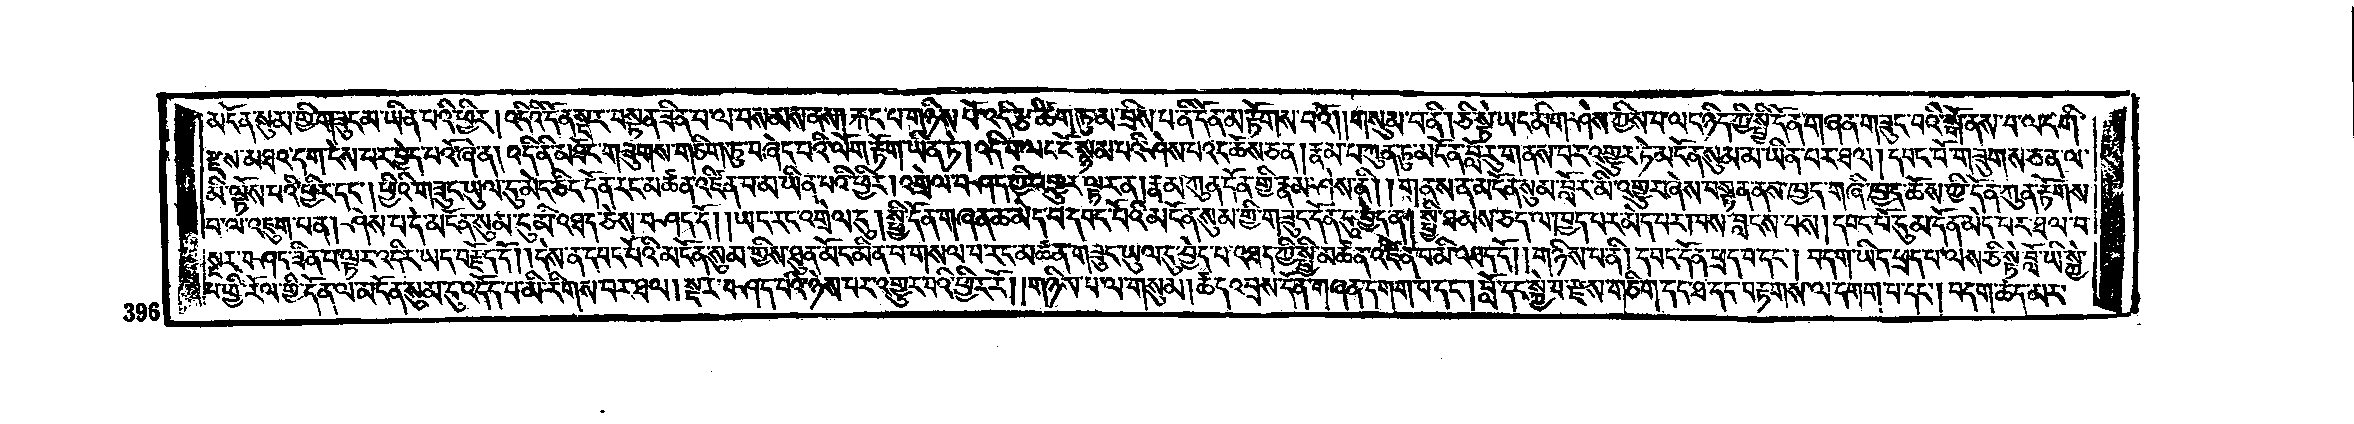མངོན་སུམ་གྱི་གཟུང་མ་ཡིན་པའི་ཕྱིར། འདིའི་དོན་སྔར་བསྟན་ཟིན་པ་ལ་བསམས་ནས། རྐང་པ་གཉིས་པོ་འདི་རྩ་ཚིག་ཏུ་མ་བྲིས་པ་ནི་དོན་མ་རྟོགས་པའོ། །གསུམ་པ་ནི། ཅི་སྟེ་ཡང་མིག་ཤེས་ཀྱིས་པ་ལང་ཉིད་ཀྱི་སྤྱི་དོན་གཞན་གཟུང་བའི་སྒོ་ནས་པ་ལང་གི་
རྫས་མཐའ་དག་ངེས་པར་བྱེད་པའོ་ཞེ་ན། འདི་ནི་མཐོང་གཟུགས་གཅིག་ཏུ་བཞེད་པའི་ལོག་རྟོག་ཡིན་ཏེ། འདི་པ་ལང་ནོག་སྙམ་པའི་ཤེས་པའང་ཆོས་ཅན། རྣམ་པ་ཀུན་ཏུ་མངོན་བློ་རུ་གནས་པར་འགྱུར་ཏེ་མངོན་སུམ་མ་ཡིན་པར་ཐལ། དབང་པོ་གཟུགས་ཅན་ལ་
མི་ལྟོས་པའི་ཕྱིར་དང་། ཕྱིའི་གཟུང་ཡུལ་དུ་མེད་ཅིང་དོན་རང་མཚན་འཛིན་པ་མ་ཡིན་པའི་ཕྱིར། འགྲེལ་བཤད་ཀྱི་འགྱུར་ལྟར་ན། རྣམ་ཀུན་དོན་གྱི་རྣམ་ཤེས་ནི། གནས་ན་མངོན་སུམ་བློར་མི་འགྱུར་ཞེས་བསྟན་ནས་ཁྱད་གཞི་ཁྱད་ཆོས་ཀྱི་དོན་ཀུན་རྟོགས་
པ་ལ་འཇུག་པ་ན། ཤེས་པ་དེ་མངོན་སུམ་དུ་མི་འཐད་ཅེས་བཤད་དོ། །ཡང་རང་འགྲེལ་དུ། སྤྱི་དོན་གཞན་ཆ་མེད་པ་དབང་པོའི་མངོན་སུམ་གྱི་གཟུང་དོན་དུ་བྱེད་ན། སྤྱི་ཐམས་ཅད་ལ་ཁྱད་པར་མེད་པར་ཁས་བླངས་པས། དབང་པོ་དུ་མ་དོན་མེད་པར་ཐལ་བ་
སྔར་བཤད་ཟིན་པ་ལྟར་འདིར་ཡང་བརྗོད་དོ། །དེས་ན་དབང་པོའི་མངོན་སུམ་གྱིས་ཐུན་མོང་མིན་པ་གསལ་པ་རང་མཚན་གཟུང་ཡུལ་དུ་བྱེད་པ་འཐད་ཀྱི་སྤྱི་མཚན་འཛིན་པ་མི་འཐད་དོ། །གཉིས་པ་ནི། དབང་དོན་ཕྲད་པ་དང་། བདག་ཡིད་ཕྲད་པ་ལས་ཅི་སྟེ་བློ་ཡི་སྐྱེ་
པ་ཕྱི་རོལ་གྱི་དོན་ལ་མངོན་སུམ་དུ་འདོད་པ་མི་རིགས་པར་ཐལ། སྔར་བཤད་པའི་ཉེས་པར་འགྱུར་པའི་ཕྱིར་རོ། །གཉིས་པ་ལ་གསུམ། ཐད་འབྲས་དོན་གཞན་དགག་པ་དང་། བློ་དང་སྐྱེ་བ་རྫས་གཅིག་དང་ཐ་དད་བརྟགས་ལ་དགག་པ་དང་། བདག་ཚད་མར་